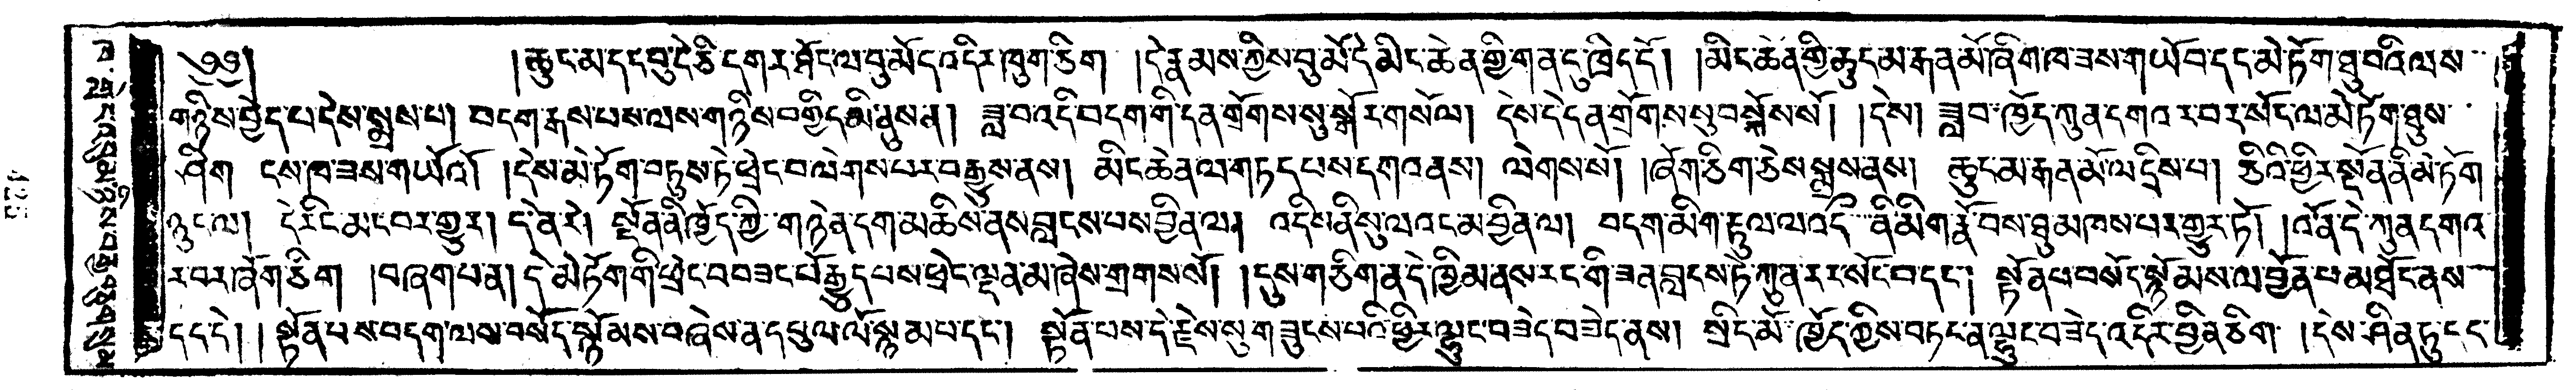༄༅། །ཆུང་མ་དང་བུ་དེ་ཅི་དགར་ཐོང་ལ་བུ་མོད་འདིར་ཁུག་ཅིག །དེ་རྣམས་ཀྱིས་བུ་མོ་དེ་མིང་ཆེན་གྱི་གན་དུ་ཁྲིད་དོ། །མིང་ཆེན་གྱི་ཆུང་མ་རྒན་མོ་ཞིག་ཁ་ཟས་གཡོ་བ་དང་མེ་ཏོག་ཐུ་བའི་ལས་
གཉིས་བྱེད་པ་དེས་སྨྲས་པ། བདག་རྒས་པས་ལས་གཉིས་བགྱིད་མི་ནུས་ན། ཟླ་བ་འདི་བདག་གི་དན་གྲོགས་སུ་སྒོར་གསོལ། དེས་དེ་དན་གྲོགས་སུ་བསྐོས་སོ། །དེས། ཟླ་བ་ཁྱོད་ཀུན་དགའ་ར་བར་སོང་ལ་མེ་ཏོག་ཐུས་
ཤིག་ངས་ཁ་ཟས་གཡོའོ། །དེས་མེ་ཏོག་བཏུས་ཏེ་ཕྲེང་བ་ལེགས་པར་བརྒྱུས་ནས། མིང་ཆེན་ལ་གཏད་པས་དགའ་ནས། ལེགས་སོ། །ཞོག་ཅིག་ཅེས་སྨྲས་ནས། ཆུང་མ་རྒན་མོ་ལ་དྲིས་པ། ཅིའི་ཕྱིར་སྔོན་ནི་མེ་ཏོག་
ཉུང་ལ། དེ་རིང་མང་བར་གྱུར། དེ་ན་རེ། སྔོན་ནི་ཁྱོད་ཀྱི་གཉེན་དག་མཆིས་ནས་བླངས་པས་བྱིན་ལ། འདིས་ནི་སུ་ལའང་མ་བྱིན་ལ། བདག་མིག་རྟུལ་ལ་འདྀ་ནི་མིག་རྣོ་བས་ཐུ་མཁས་པར་གྱུར་ཏོ། །འོ་ན་དེ་ཀུན་དགའ་
ར་བར་ཞོག་ཅིག །བཞག་པ་ན། དེ་མེ་ཏོག་གི་ཕྲེང་བ་བཟང་པོ་རྒྱུད་པས་ཕྲེང་ལྡན་མ་ཞེས་གྲགས་སོ། །དུས་གཅིག་ན་དེ་ཁྱིམ་ནས་རང་གི་ཟན་བླངས་ཏེ་ཀུན་རར་སོང་བ་དང་། སྟོན་པ་བསོད་སྙོམས་ལ་བྱོན་པ་མཐོང་ནས་
དང་དེ། །སྟོན་པས་བདག་ལས་བསོད་སྙོམས་བཞེས་ན་དཔུལ་ལོ་སྙམ་པ་དང་། སྟོན་པས་དེ་རྗེས་སུ་གཟུངས་པའི་ཕྱིར་ལྷུང་བཟེད་བཟེད་ནས། སྲིད་མོ་ཁྱོད་ཀྱིས་བཏང་ན་ལྷུང་བཟེད་འདིར་བྱིན་ཅིག །དེས་ཤིན་ཏུ་དང་